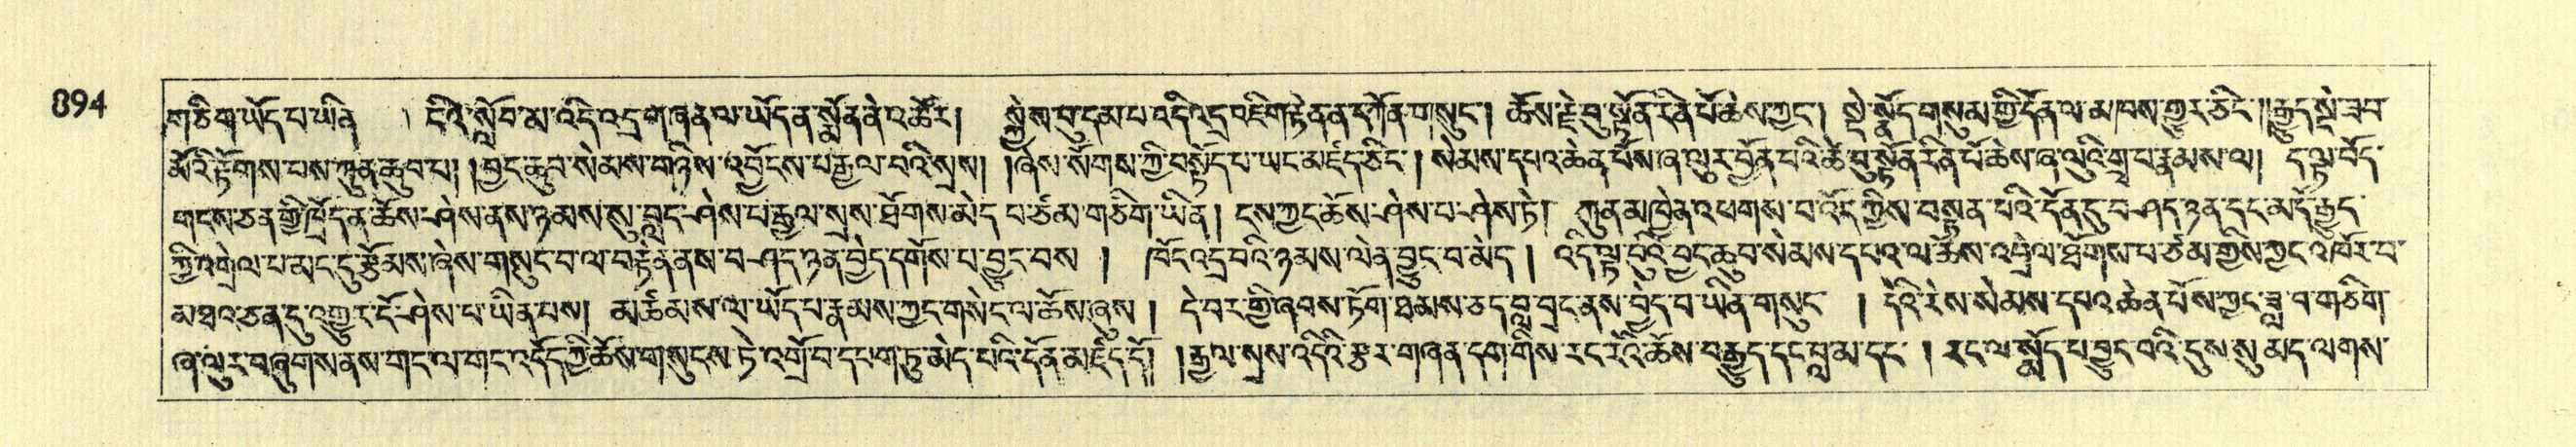གཅིག་ཡོད་པ་ཡིན། ངའི་སློབ་མ་འདི་འདྲ་གཞན་ལ་ཡོད་ན་སྨོན་ནེ་འཚོར། སྐྱེས་བུ་དམ་པ་འདི་འདྲ་འཇིག་རྟེན་ན་དཀོན་གསུང་། ཆོས་རྗེ་བུ་སྟོན་རིན་པོ་ཆེས་ཀྱང་། སྡེ་སྣོད་གསུམ་གྱི་དོན་ལ་མཁས་གྱུར་ཅིང་། །རྒྱུད་སྡེ་ཟབ་
མོའི་རྟོགས་པས་ཀུན་ཆུབ་པ། །བྱང་ཆུབ་སེམས་གཉིས་འབྱོངས་པ་རྒྱལ་བའི་སྲས། །ཞེས་སོགས་ཀྱི་བསྟོད་པ་ཡང་མཛད་ཅིང་། སེམས་དཔའ་ཆེན་པོས་ཞ་ལུར་བྱོན་པའི་ཚེ་བུ་སྟོན་རིན་པོ་ཆེས་ཞ་ལུའི་གྲྭ་པ་རྣམས་ལ། ད་ལྟ་བོད་
གངས་ཅན་གྱི་ཁྲོད་ན་ཆོས་ཤེས་ནས་ཉམས་སུ་བླང་ཤེས་པ་རྒྱལ་སྲས་ཐོགས་མེད་བ་ཙམ་གཅིག་ཡིན། ངས་ཀྱང་ཆོས་ཤེས་པ་ཤེས་ཏེ། ཀུན་མཁྱེན་འཕགས་པ་འོད་ཀྱིས་བསྟན་པའི་དོན་དུ་བཤད་ཉན་དང་མདོ་རྒྱུད་
ཀྱི་འགྲེལ་པ་མང་དུ་རྩོམས་ཞེས་གསུང་བ་ལ་བརྟེན་ནས་བཤད་ཉན་བྱེད་དགོས་པ་བྱུང་བ། ཁོང་འདྲ་བའི་ཉམས་ལེན་བྱུང་བ་མེད། འདི་ལྟ་བུའི་བྱང་ཆུབ་སེམས་དཔའ་ལ་ཆོས་འབྲེལ་ཐོགས་པ་ཙམ་གྱིས་ཀྱང་འཁོར་བ་
མཐའ་ཅན་དུ་འགྱུར་ནོག་ཤེས་པ་ཡིན་པས། མཚམས་ལ་ཡོད་པ་རྣམས་ཀྱང་གསེང་ལ་ཆོས་ཞུས། དེ་བར་གྱི་གཞབས་ཏོག་ཐམས་ཅད་བླ་བྲང་ནས་བྱེད་པ་ཡིན་གསུང་། དེའི་རེས་སེམས་དཔའ་ཆེན་པོས་ཀྱང་ཟླ་བ་གཅིག་
ཞ་ལུར་བཞུགས་ནས་གང་ལ་གང་འདོད་ཀྱི་ཆོས་གསུངས་ཏེ་འགྲོ་བ་དཔག་ཏུ་མེད་པའི་དོན་མཛད་དོ། །རྒལ་སྲས་འདིའི་རྩར་གཞན་དག་གིས་རང་རེའི་ཆོས་བརྒྱུད་དང་བླ་མ་དང་། རང་ལ་སྨོད་པ་བྱུང་བའི་དུས་སུ་མད་ལགས་